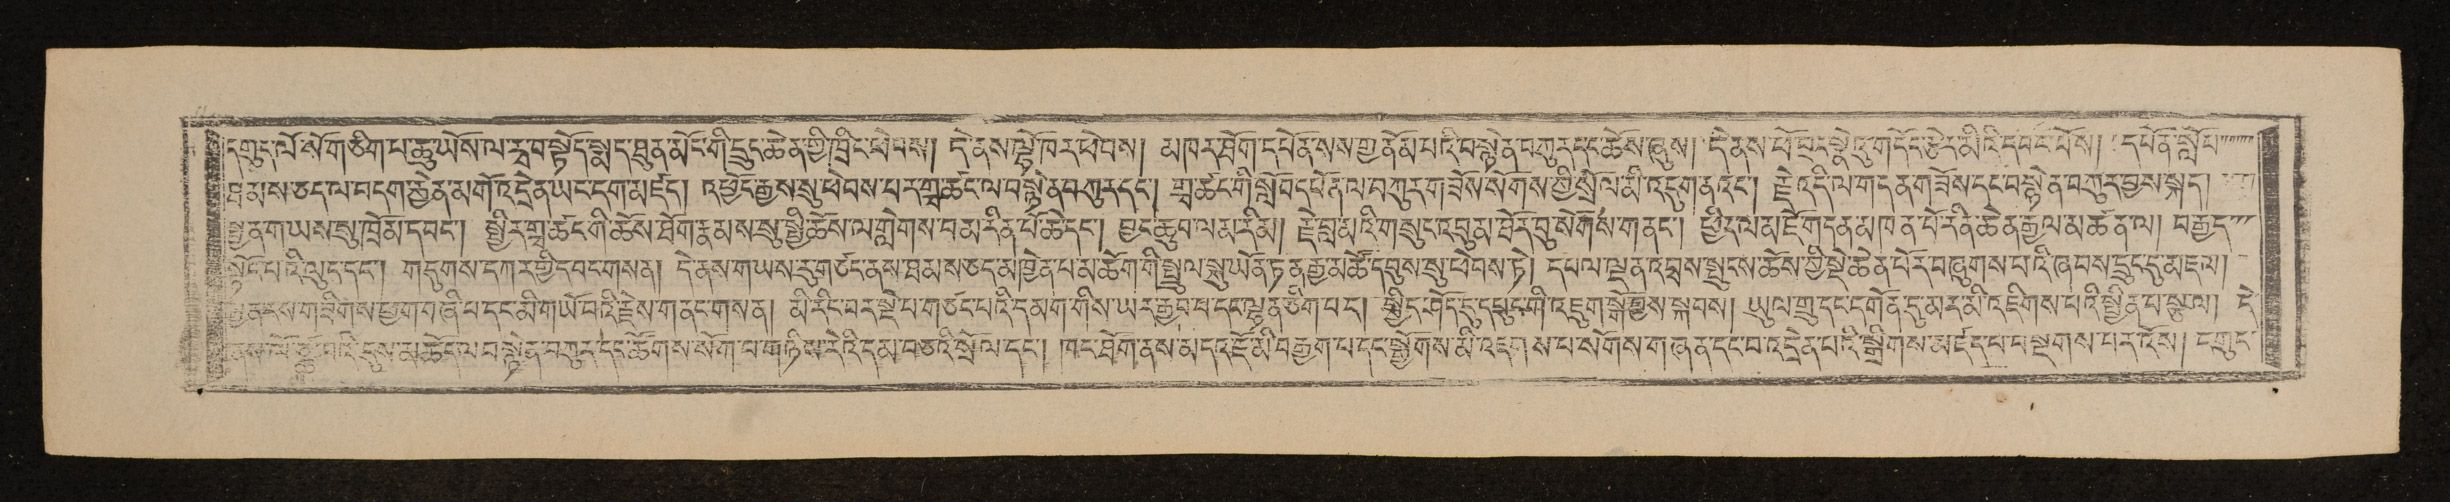དགུང་ལོ་སོ་གཅིག་པ་ཆུ་ཡོས་ལ་རྭ་བ་སྟོད་སྨད་ཐུན་མོང་གི་དྲུང་ཆེན་གྱི་ཁྲིར་ཕེབས། དེ་ནས་ལྷོ་ཁར་ཕེབས། མཁར་ཐོག་དཔོན་སས་གྱ་ནོམ་པའི་བསྙེན་བཀུར་དང་ཆོས་ཞུས། དེ་ནས་ཕོ་བྲང་སྣེའུ་གདོང་རྩེར་མིའི་དབང་པོས། དཔོན་སློབ་
ཐམས་ཅད་ལ་བདག་རྐྱེན་མགོ་འདྲེན་ཡང་དག་མཛད། འཕྱོང་རྒྱས་སུ་ཕེབས་པར་གྲྭ་ཚང་ལ་བསྙེན་བཀུར་དང་། གྲྭ་ཚར་གི་སློབ་དཔོན་ལ་བཀུར་གཟོས་སོགས་ཀྱི་སྲོལ་མི་འདུག་ནའང་། རྗེ་འདི་ལ་གདན་གཟོས་དང་བསྙེན་བཀུར་བྱས་སྐད།
སྤྱན་གཡས་སུ་ཁྲོམ་དབང་། སྤྱིར་གྲྭ་ཚང་གི་ཆོས་ཐོག་རྣམས་སུ་སྤྱི་ཆོས་ལ་གླེགས་བམ་རིན་པོ་ཆེ་དང་། བྱང་ཆུབ་ལམ་རིམ། རྗེ་བླ་མའི་གསུང་འབུམ་ཐོར་བུ་སོགས་གནང་། ཕྱིར་ལམ་ཇོ་གདན་མཁན་པོ་རིན་ཆེན་རྒྱལ་མཚན་ལ། བརྒྱད་
སྟོང་པའི་ལུང་དང་། གདུགས་དཀར་གྱི་དབང་གསན། དེ་ནས་གཡས་རུ་གཙང་ནས་ཐམས་ཅད་མཁྱེན་པ་མཆོག་གི་སྤྲུལ་སྐུ་ཡོན་ཏན་རྒྱ་མཚོ་དབུས་སུ་ཕེབས་ཏེ། དཔལ་ལྡན་འབྲས་སྤུངས་ཆོས་ཀྱི་སྡེ་ཆེན་པོར་བཞུགས་པའི་ཞབས་དྲུང་དུ་མཇལ།
སྤྱན་རས་གཟིགས་ཕྱག་བཞི་པ་དང་མི་གཡོ་བའི་རྗེས་གནང་གསན། མི་རིང་བར་སྡེ་པ་གཙང་བའི་དམག་གིས་ཡར་རྒྱབ་པ་དང་ལྷན་ཅིག་པར། སྐྱིད་ཤོད་དུ་དཔུང་གི་འཇུག་སྒོ་བྱས་སྐབས། ཡུལ་གྲུ་དང་དགོན་དུ་མར་མི་འཇིགས་པའི་སྤྱིན་པ་སྩལ། དེ་
ནས་ལོ་ཙྪ་བའི་དུས་མཆོད་ལ་བསྙེན་བཀུར་དང་ཚོགས་སོག་པ་གཉིས་རེའི་དམ་བཅའི་སྲོལ་དང་། ཁང་ཐོག་ནས་མདའ་རྡོ་མི་བརྒྱག་པ་དང་སྤྱོགས་མི་འཛུགས་པ་སོགས་གཞན་དང་བ་འདྲེན་པའི་སྒྲིགས་མཛད་པ་བསྔགས་པར་འོས། དགུང་